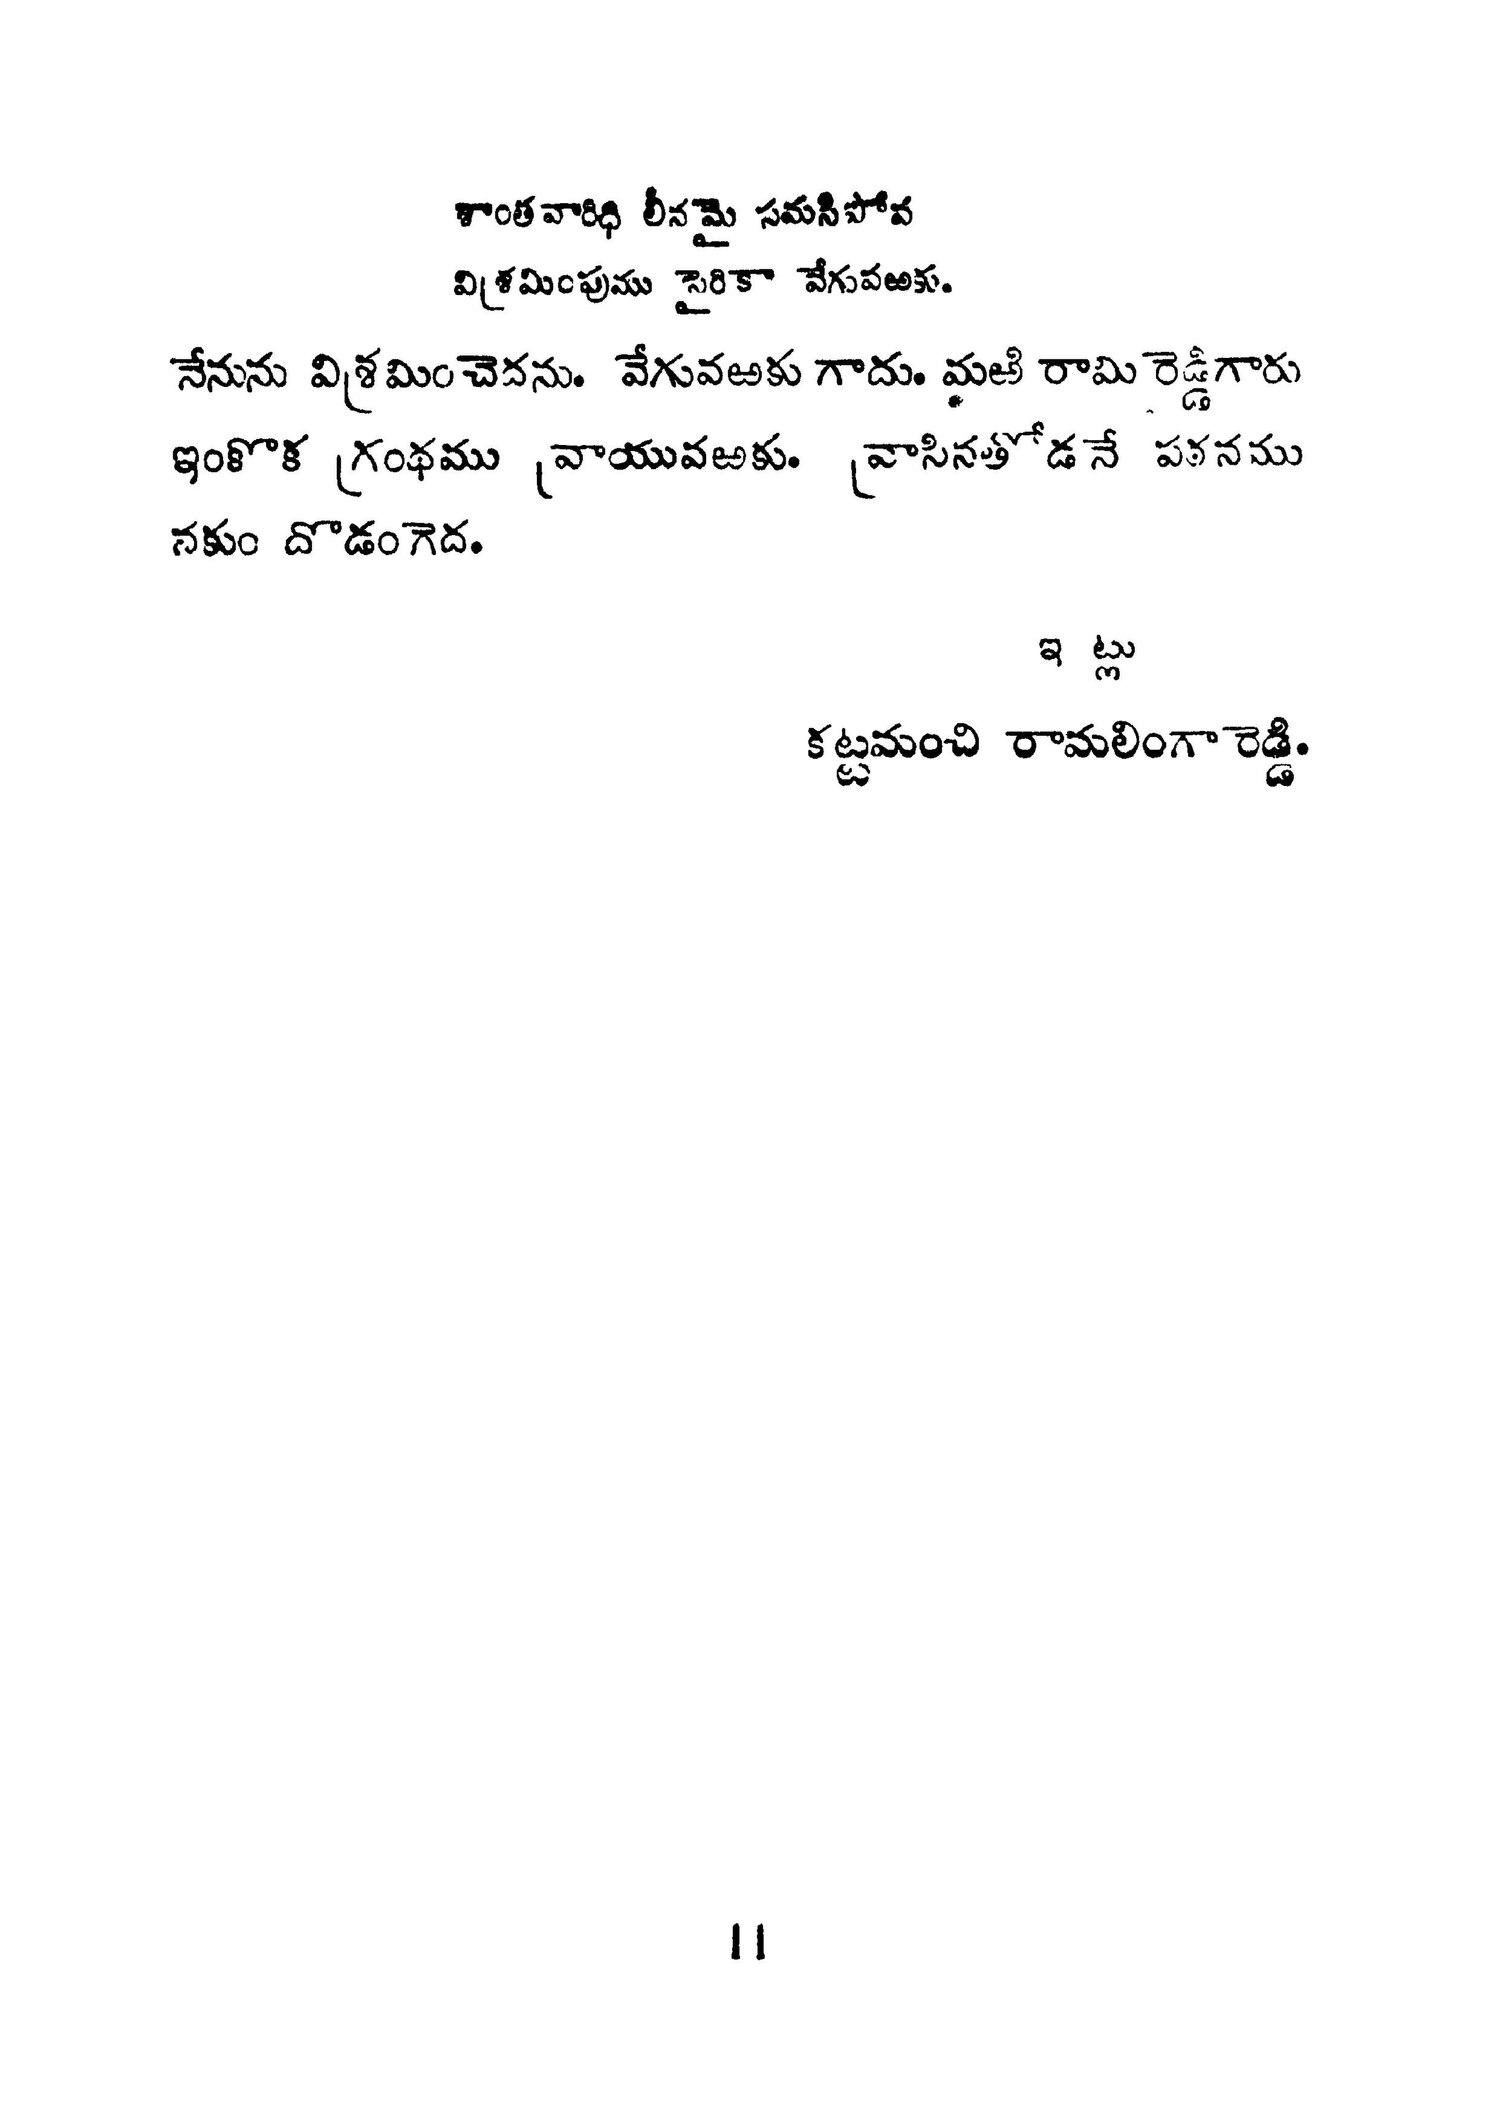నేనును విశ్రమించెదను. వేగువఱకు గాదు. మఱి రామిరెడ్డిగారు ఇంకొక గ్రంథము వ్రాయువఱకు. వ్రాసినతోడనే పఠనమునకుం దొడంగెద.